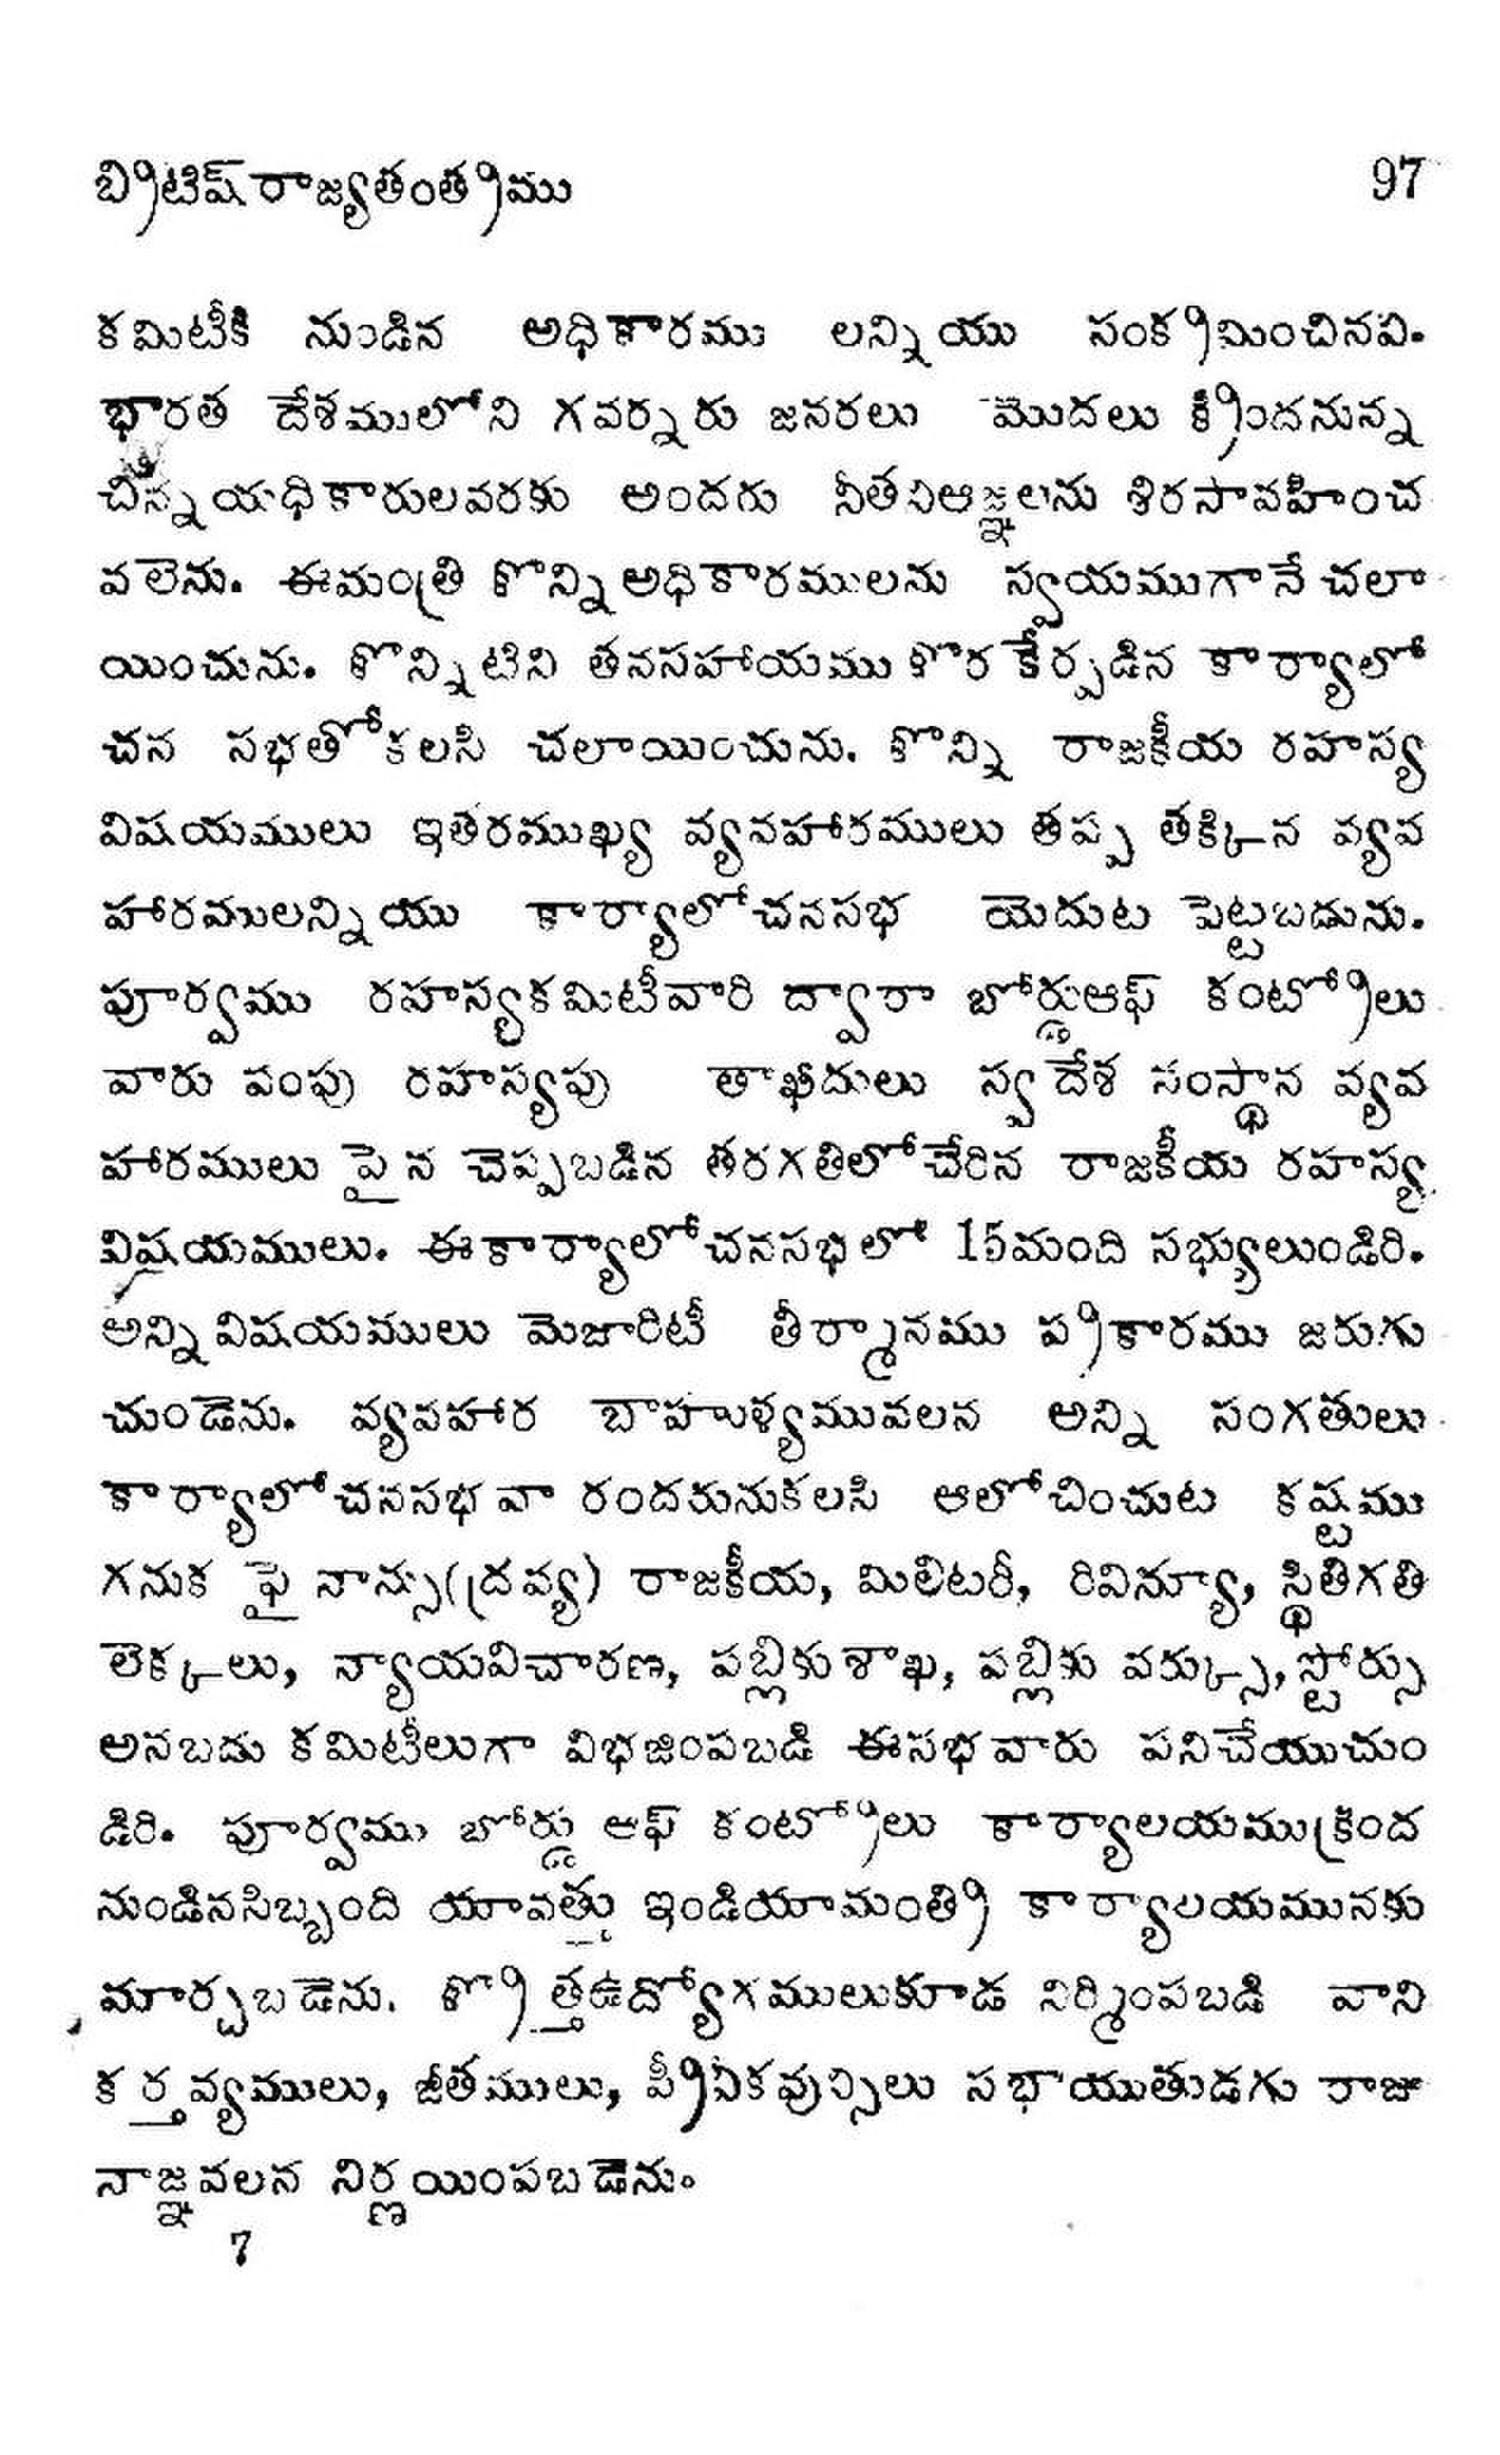కమిటీకి నుండిన అధికారము లన్నియు సంక్రమించినవి. భారత దేశములోని గవర్నరు జనరలు మొదలు క్రిందనున్న చిన్నయధికారులవరకు అందరు నీతనిఆజ్ఞలను శిరసావహించవలెను. ఈమంత్రి కొన్నిఅధికారములను స్వయముగానే చలాయించును. కొన్నిటిని తనసహాయము కొర కేర్పడిన కార్యాలోచన సభతోకలసి చలాయించును. కొన్ని రాజకీయ రహస్య విషయములు ఇతరముఖ్య వ్యవహారములు తప్ప తక్కిన వ్యవహారములన్నియు కార్యాలోచనసభ యెదుట పెట్టబడును. పూర్వము రహస్యకమిటీవారి ద్వారా బోర్డుఆఫ్ కంట్రోలువారు పంపు రహస్యపు తాఖీదులు స్వదేశ సంస్థాన వ్యవహారములు పైన చెప్పబడిన తరగతిలోచేరిన రాజకీయ రహస్య విషయములు. ఈ కార్యాలోచనసభలో 15 మంది సభ్యులుండిరి. అన్నివిషయములు మెజారిటీ తీర్మానము ప్రకారము జరుగుచుండెను. వ్యవహార బాహుళ్యమువలన అన్ని సంగతులు . కార్యాలోచనసభవా రందరునుకలసి ఆలోచించుట కష్టము గనుక ఫైనాన్సు(ద్రవ్య) రాజకీయ, మిలిటరీ, రివిన్యూ, స్థితిగతి లెక్కలు, న్యాయవిచారణ, పబ్లికుశాఖ, పబ్లికు వర్క్సు, స్టోర్సు అనబడు కమిటీలుగా విభజింపబడి ఈసభవారు పనిచేయుచుండిరి. పూర్వము బోర్డు ఆఫ్ కంట్రోలు కార్యాలయముక్రింద నుండినసిబ్బంది యావత్తు ఇండియామంత్రి కార్యాలయమునకు మార్చబడెను. క్రొత్తఉద్యోగములుకూడ నిర్మింపబడి వాని కర్తవ్యములు, జీతములు, ప్రీవీకవున్సిలు సభాయుతుడగు రాజు నాజ్ఞవలన నిర్ణయింపబడెను.